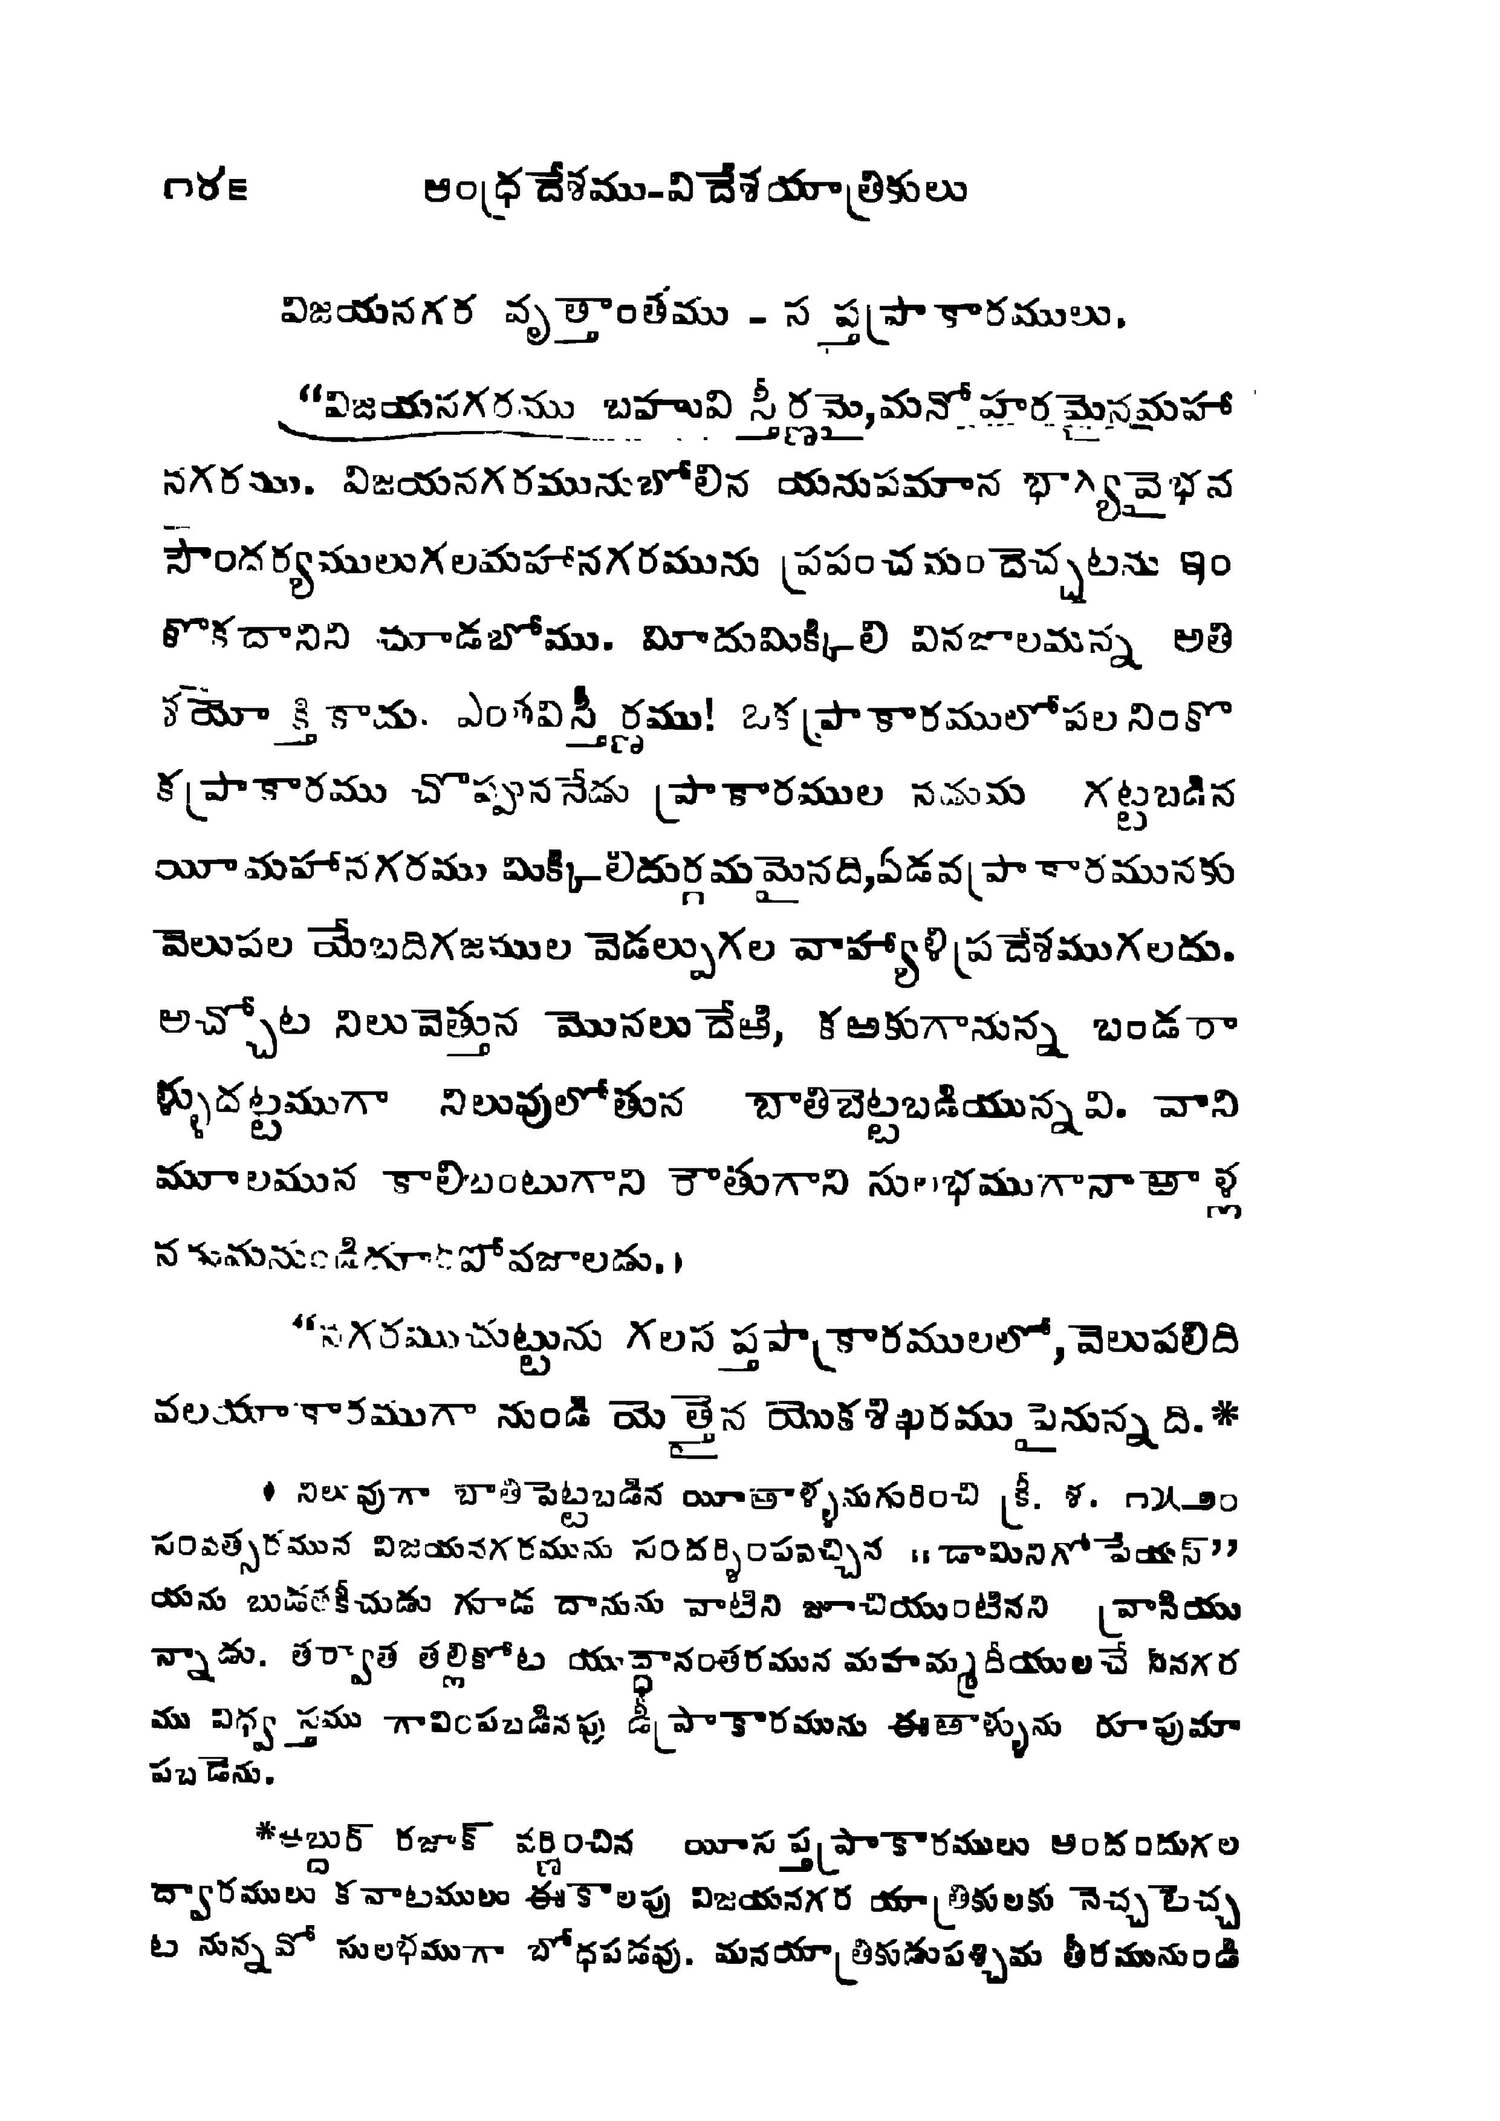"విజయనగరము బహువిస్తీర్ణమై, మనోహరమైన మహానగరము. విజయనగరమును బోలిన యనుపమాన భాగ్యవైభవ సౌందర్యములుగల మహానగరమును ప్రపంచమందెచ్చటను ఇంకొకదానిని చూడబోము. మీదుమిక్కిలి వినజాలమన్న అతిశయోక్తి కాదు. ఎంతవిస్తీర్ణము! ఒకప్రాకారము లోపల నింకొక ప్రాకారము చొప్పుననేడు ప్రాకారములు నడుమ గట్టబడిన యీ మహానగరము మిక్కిలి దుర్గమమైనది, ఏడవ ప్రాకారమునకు వెలుపల యేబదిగజముల వెడల్పుగల వాహ్యాళి ప్రదేశముగలదు. అచ్చోట నిలువెత్తున మొనలుదేఱి, కఱుకుగానున్న బండరాళ్ళు దట్టముగా నిలువు లోతున బాతిబెట్టబడి యున్నవి. వాని మూలమున కాలిబంటుగాని రౌతుగాని సులభముగా నాఱాళ్ల నడుమనుండిదూరి పోవజాలడు.

"నగరముచుట్టును గలసప్త ప్రాకారములలో, వెలుపలిది వలయాకారముగా నుండి యెత్తైన యొకశిఖరము పైనున్నది.